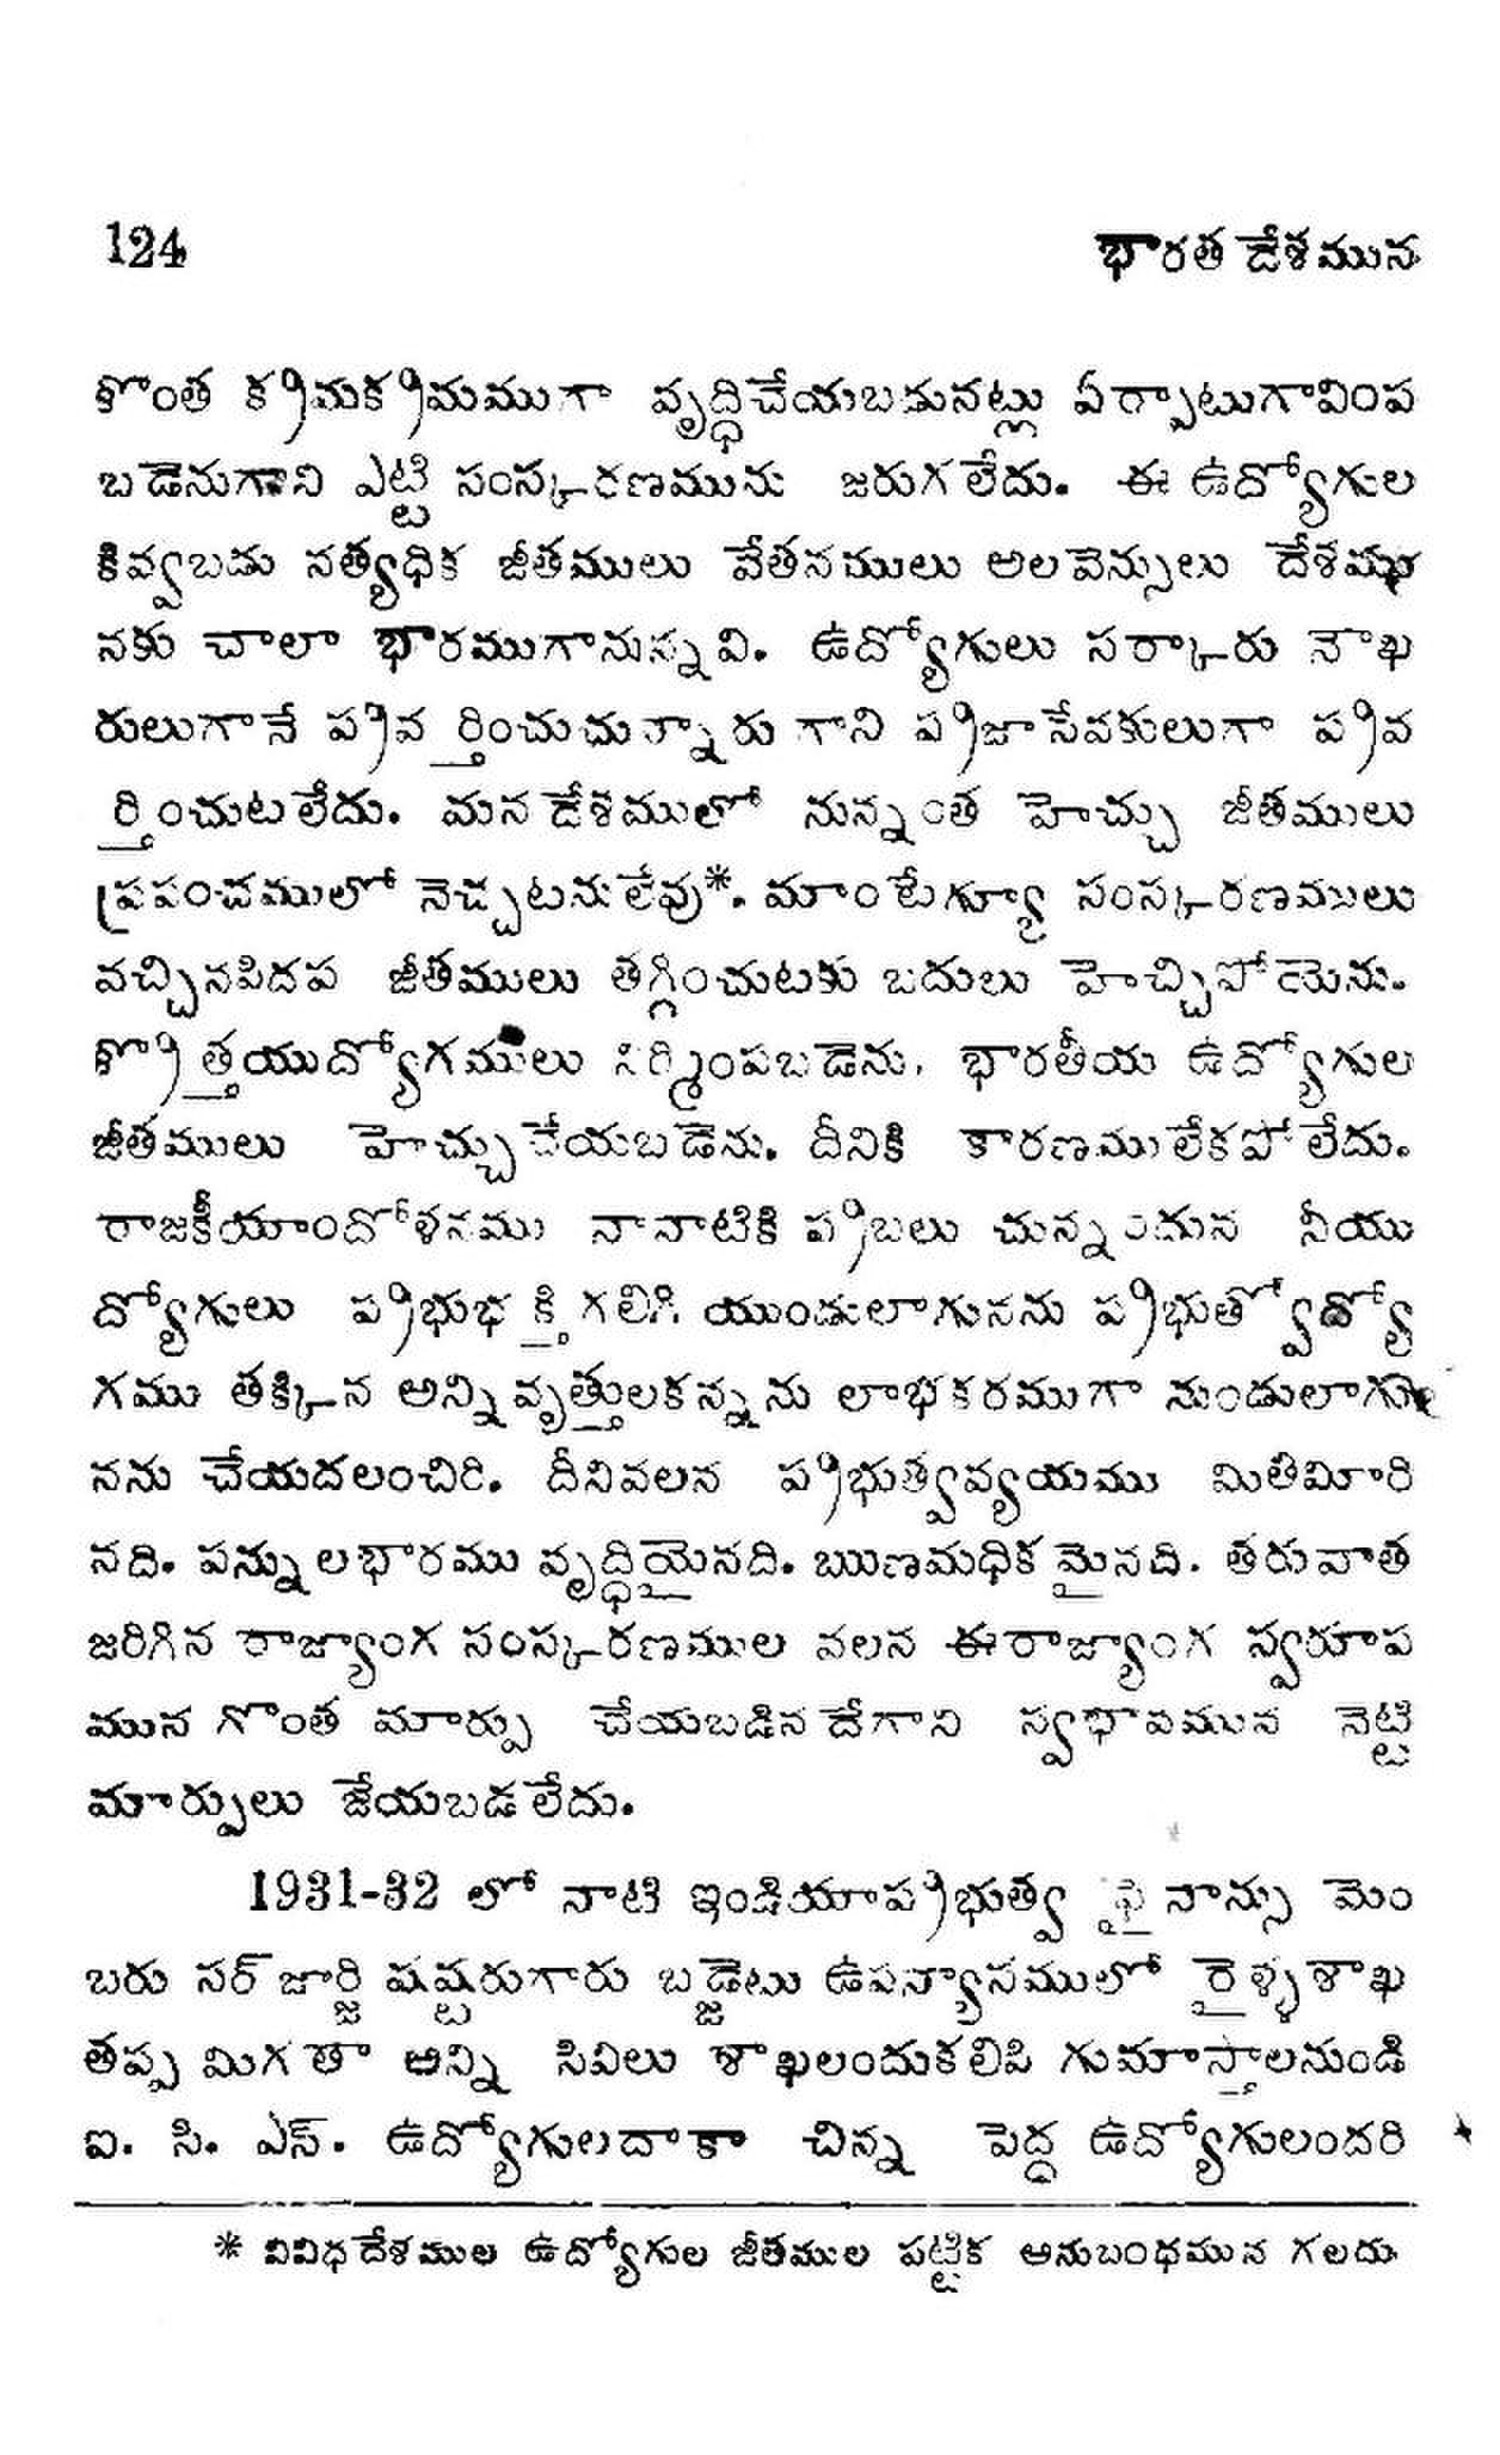కొంత క్రమక్రమముగా వృద్ధిచేయబడునట్లు ఏర్పాటుగావింపబడెనుగాని ఎట్టి సంస్కరణమును జరుగలేదు. ఈ ఉద్యోగుల కివ్వబడు నత్యధిక జీతములు వేతనములు అలవెన్సులు దేశమునకు చాలా భారముగానున్నవి. ఉద్యోగులు సర్కారు నౌఖరులుగానే ప్రవర్తించుచున్నారు గాని ప్రజాసేవకులుగా ప్రవర్తించుటలేదు. మనదేశములో నున్నంత హెచ్చు జీతములు ప్రపంచములో నెచ్చటను లేవు. మాంటేగ్యూ సంస్కరణములు వచ్చినపిదప జీతములు తగ్గించుటకు బదులు హెచ్చిపోయెను. క్రొత్తయుద్యోగములు నిర్మింపబడెను. భారతీయ ఉద్యోగుల జీతములు హెచ్చు చేయబడెను. దీనికి కారణములేకపోలేదు. రాజకీయాందోళనము నానాటికి ప్రబలు చున్నందున నీయుద్యోగులు ప్రభుభక్తి గలిగి యుండులాగునను ప్రభుత్వోద్యోగము తక్కిన అన్ని వృత్తులకన్నను లాభకరముగా నుండులాగునను చేయదలంచిరి. దీనివలన ప్రభుత్వవ్యయము మితిమీరినది. పన్నులభారము వృద్దియైనది. ఋణమధికమైనది. తరువాత జరిగిన రాజ్యాంగ సంస్కరణముల వలన ఈ రాజ్యాంగ స్వరూపమున గొంత మార్పు చేయబడినదేగాని స్వభావమున నెట్టి మార్పులు జేయబడలేదు.

1931-32 లో నాటి ఇండియాప్రభుత్వ పైనాన్సు మెంబరు సర్ జార్జి షష్టరుగారు బడ్జెటు ఉపన్యాసములో రైళ్ళశాఖ తప్ప మిగతా అన్ని సివిలు శాఖలందుకలిపి గుమాస్తాలనుండి ఐ. సి. ఎస్. ఉద్యోగులదాకా చిన్న పెద్ద ఉద్యోగులందరి